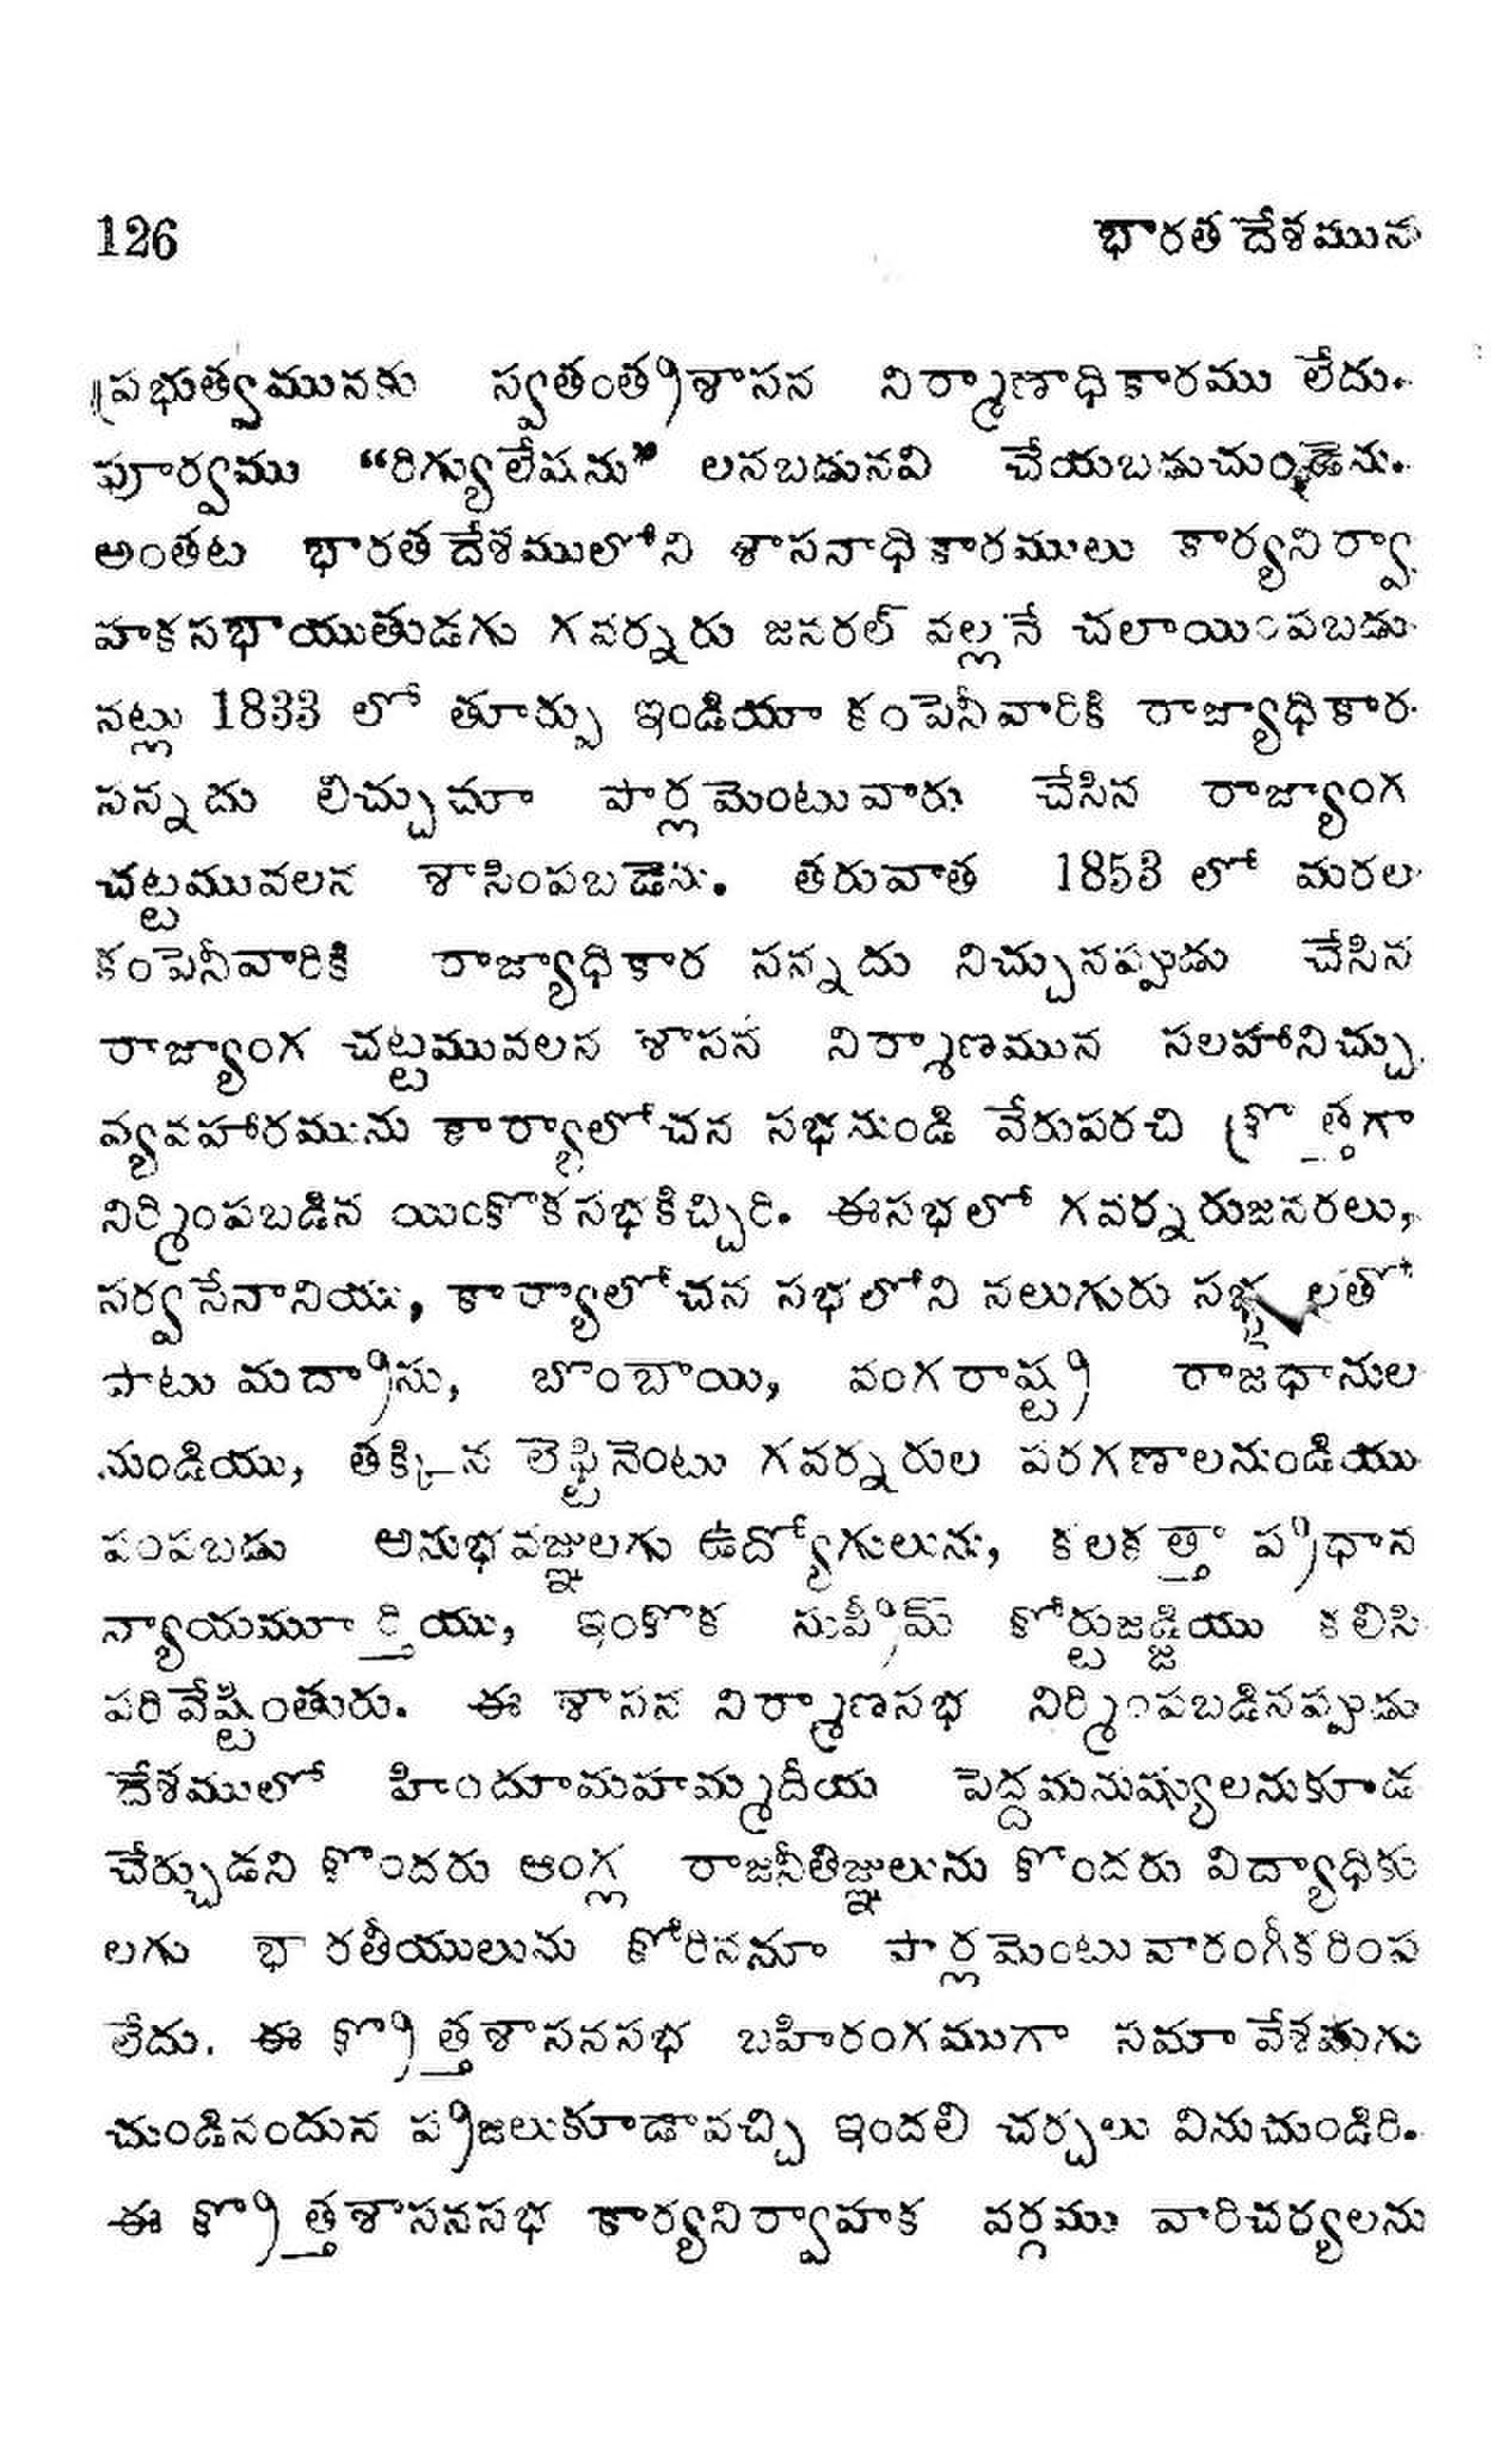ప్రభుత్వమునకు స్వతంత్రశాసన నిర్మాణాధికారము లేదు. పూర్వము “రిగ్యులేషను” లనబడునవి చేయబడుచుండెను.. అంతట భారతదేశములోని శాసనాధికారములు కార్యనిర్వాహకసభాయుతుడగు గవర్నరు జనరల్ వల్లనే చలాయింపబడునట్లు 1833 లో తూర్పు ఇండియా కంపెనీవారికి రాజ్యాధికార సన్నదు లిచ్చుచూ పార్లమెంటువారు చేసిన రాజ్యాంగచట్టమువలన శాసింపబడెను. తరువాత 1853 లో మరల కంపెనీవారికి రాజ్యాధికార సన్నదు నిచ్చునప్పుడు చేసిన రాజ్యాంగ చట్టమువలన శాసన నిర్మాణమున సలహానిచ్చు వ్యవహారమును కార్యాలోచన సభనుండి వేరుపరచి క్రొత్తగా నిర్మింపబడిన యింకొకసభకిచ్చిరి. ఈసభలో గవర్నరుజనరలు, సర్వసేనానియు, కార్యాలోచన సభలోని నలుగురు సభ్యులతోపాటు మద్రాసు, బొంబాయి, వంగరాష్ట్ర రాజధానుల నుండియు, తక్కిన లెఫ్టినెంటు గవర్నరుల పరగణాలనుండియు పంపబడు అనుభవజ్ఞులగు ఉద్యోగులును, కలకత్తా ప్రధాన న్యాయమూర్తియు, ఇంకొక సుప్రీమ్ కోర్టుజడ్జియు కలిసి పరివేష్టింతురు. ఈ శాసన నిర్మాణసభ నిర్మింపబడినప్పుడు దేశములో హిందూమహమ్మదీయ పెద్దమనుష్యులనుకూడ చేర్చుడని కొందరు ఆంగ్ల రాజనీతిజ్ఞులును కొందరు విద్యాధికులగు భారతీయులును కోరిననూ పార్లమెంటువారంగీకరింప లేదు. ఈ క్రొత్తశాసనసభ బహిరంగముగా సమావేశమగుచుండినందున ప్రజలుకూడా వచ్చి ఇందలి చర్చలు వినుచుండిరి. ఈ క్రొత్తశాసనసభ కార్యనిర్వాహక వర్గము వారిచర్యలను